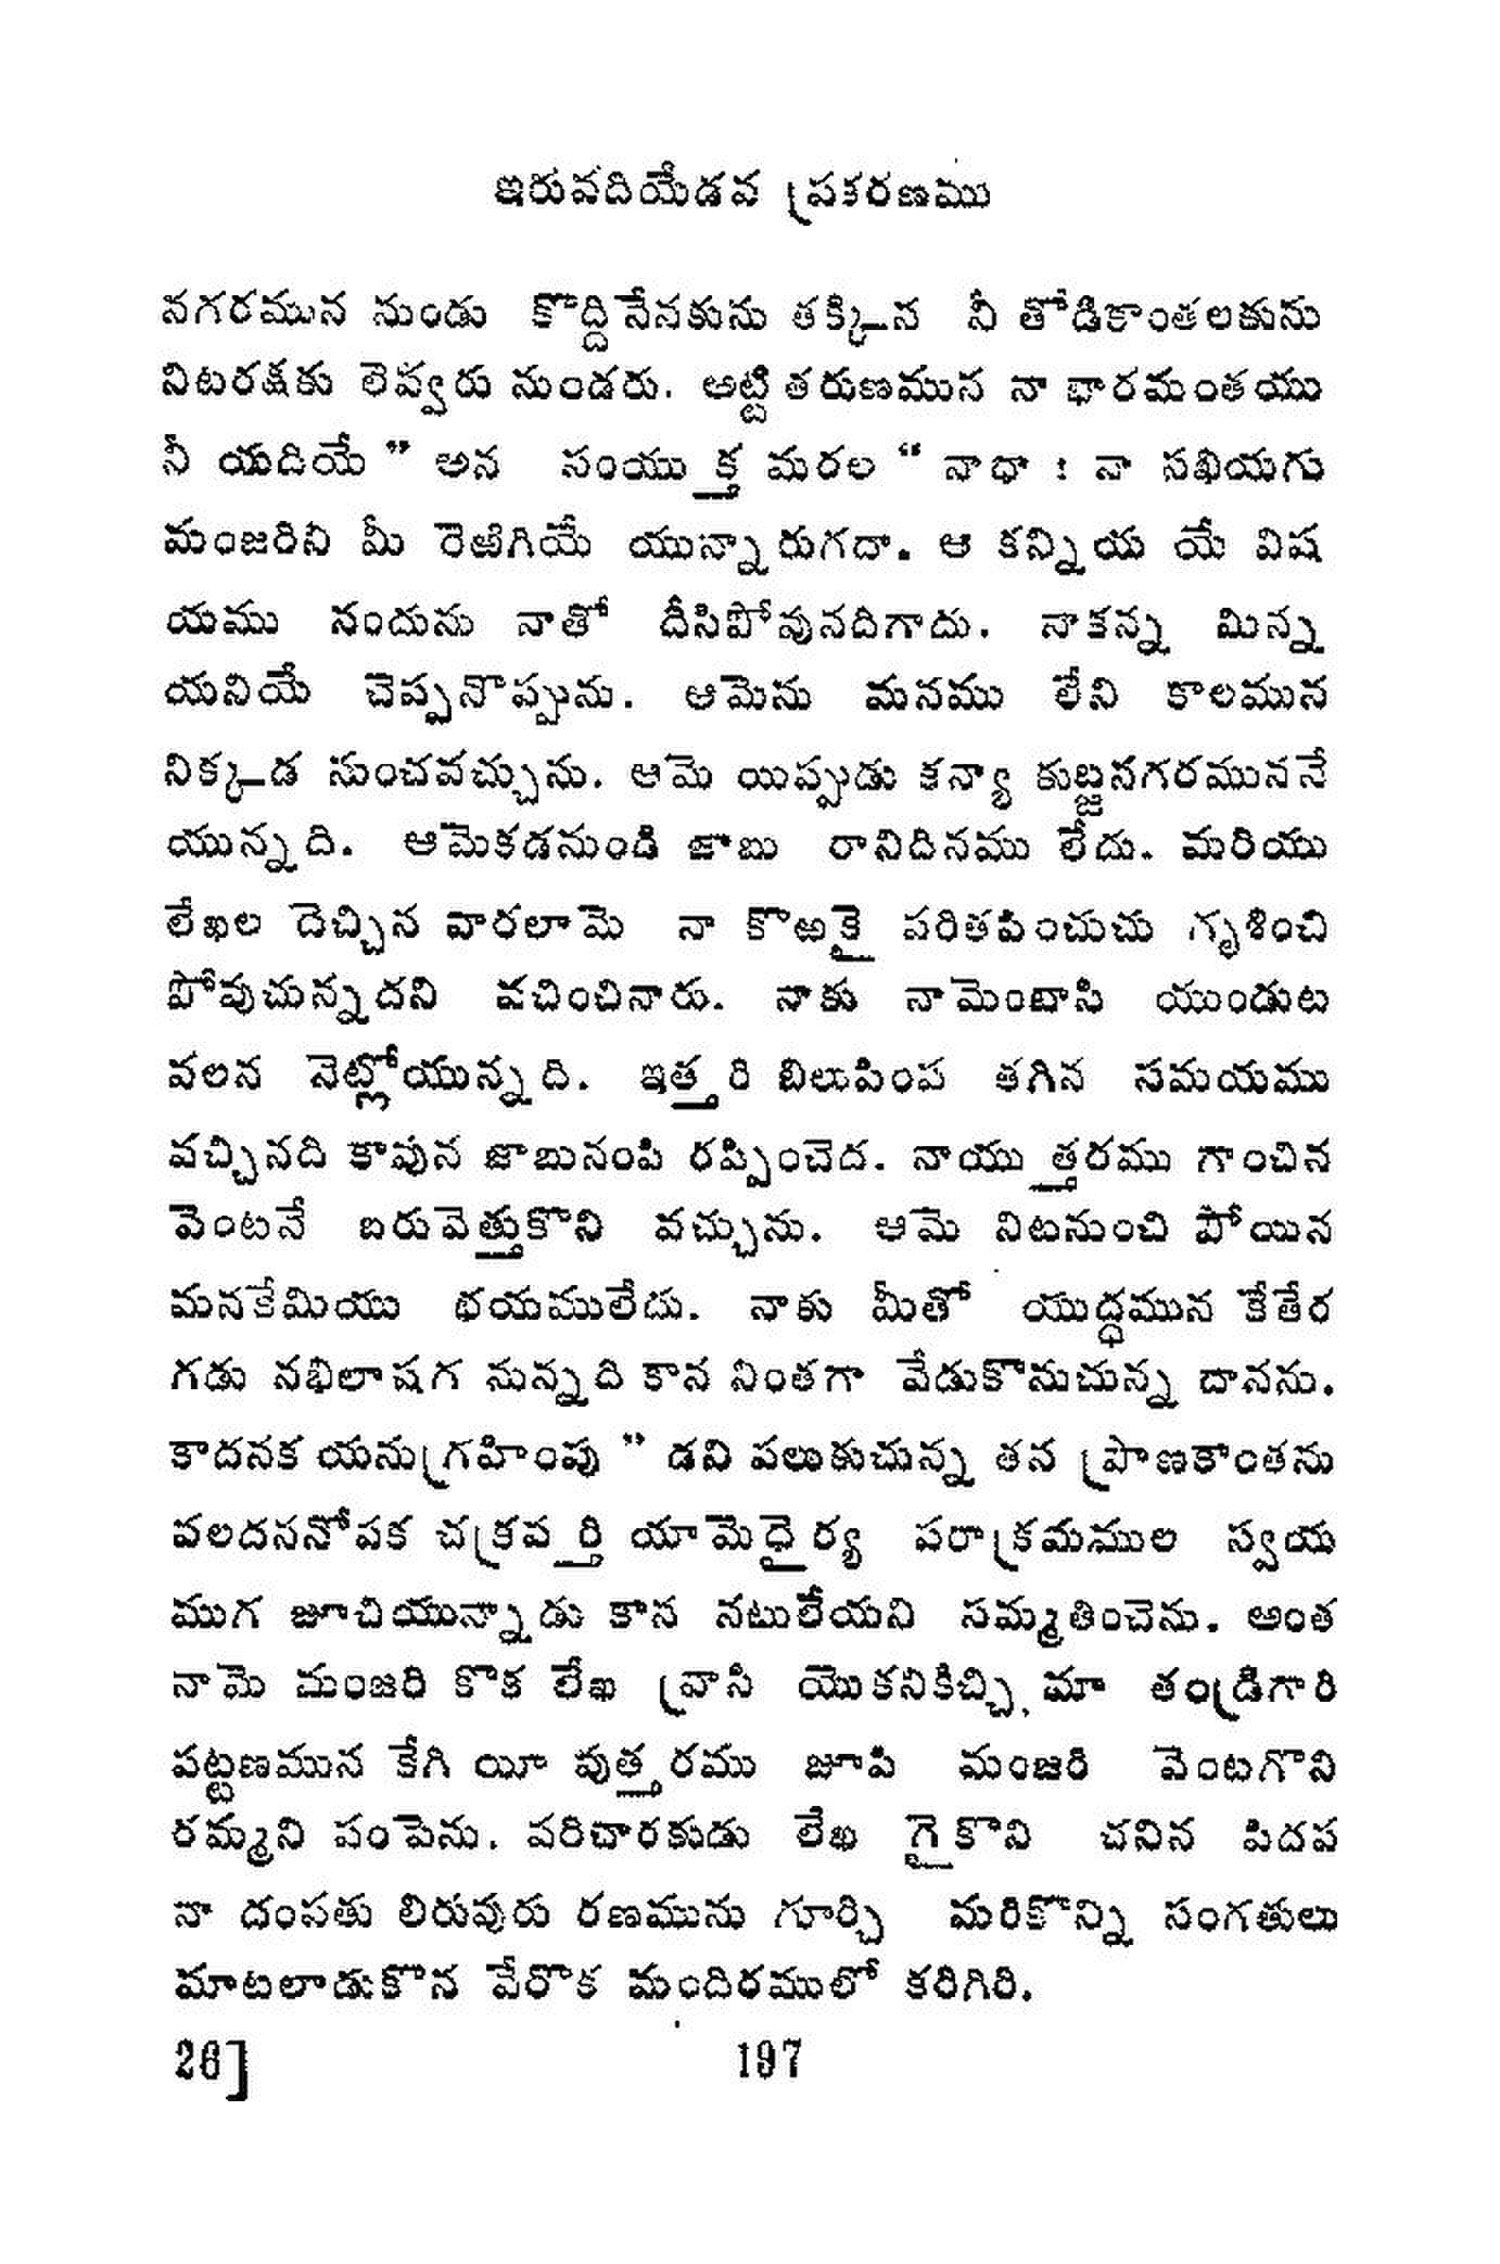నగరమున నుండు కొద్దిసేనకును తక్కిన నీ తోడికాంతలకును నిటరక్షకు లెవ్వరు నుండరు. అట్టి తరుణమున నా భారమంతయు నీ యదియే " అన సంయుక్త మరల " నాధా ! నా సఖియగు మంజరిని మీ రెఱిగియే యున్నారుగదా. ఆ కన్నియ యే విషయము నందును నాతో దీసిపోవునదిగాదు. నాకన్న మిన్న యనియే చెప్పనొప్పును. ఆమెను మనము లేని కాలమున నిక్కడ నుంచవచ్చును. ఆమె యిప్పుడు కన్యా కుబ్జనగరముననే యున్నది. ఆమెకడనుండి జాబు రానిదినము లేదు. మరియు లేఖల దెచ్చిన వారలామె నా కొఱకై పరితపించుచు గృశించి పోవుచున్నదని వచించినారు. నాకు నామెంబాసి యుండుట వలన నెట్లోయున్నది. ఇత్తరి బిలుపింప తగిన సమయము వచ్చినది కావున జాబునంపి రప్పించెద. నాయుత్తరము గాంచిన వెంటనే బరువెత్తుకొని వచ్చును. ఆమే నిటనుంచి పోయిన మనకేమియు భయములేదు. నాకు మీతో యుద్ధమున కేతేర గడు నభిలాషగ నున్నది కాన నింతగా వేడుకొనుచున్న దానను. కాదనక యనుగ్రహింపు " డని పలుకుచున్న తన ప్రాణకాంతను వలదసనోపక చక్రవర్తి యామెధైర్య పరాక్రమముల స్వయముగ జూచి యున్నాడు కాన నటులేయని సమ్మతించెను. అంత నామె మంజరి కొక లేఖ వ్రాసి యొకనికిచ్చి మా తండ్రిగారి పట్టణమున కేగి యీ వుత్తరము జూపి మంజరి వెంటగొని రమ్మని పంపెను. వరిచారకుడు లేఖ గైకొని చనిన పిదప నా దంపతు లిరువురు రణమును గూర్చి మరికొన్ని సంగతులు మాటలాడుకొన వేరొక మందిరములో కరిగిరి.